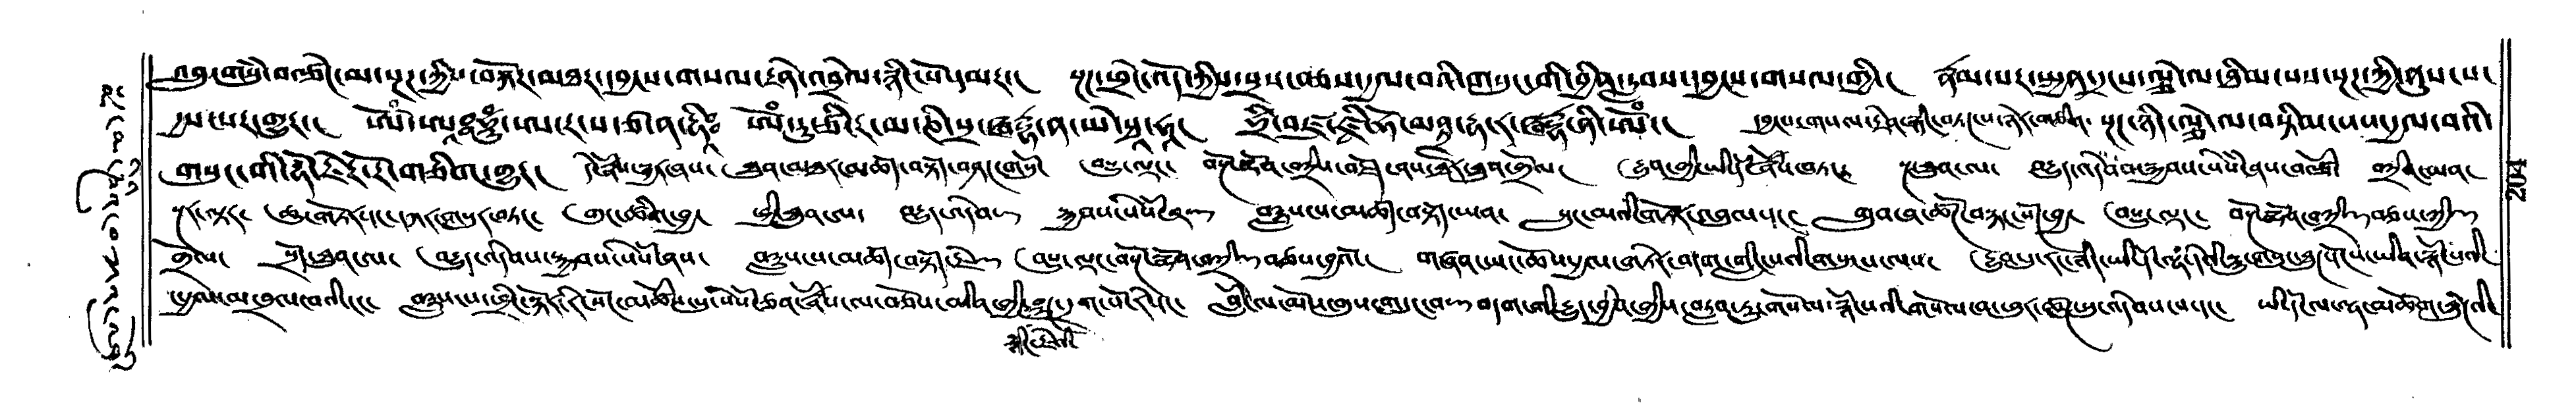།འབྲུ་གསུམ་བརྩེགས་མ་སྔགས་ཀྱིས་བསྐོར་མཐར་དབྱངས་གསལ་རྟེན་འབྲེལ་སྙིང་པོ་དམར། །སྔགས་ཕྲེང་འོད་ཀྱིས་སྲས་བཅས་རྒྱལ་བའི་གསུང་གི་བྱིན་རླབས་དབྱངས་གསལ་གྱི། །རྣམ་པར་སྤྱན་དྲངས་ལྕེ་ལ་ཐིམ་པས་སྔགས་ཀྱི་ནུས་པ་
རྒྱས་པར་གྱུར། ཨོཾ་ཨཱཿཧཱུྃ་ཨ་ར་པ་ཙ་ན་དྷཱིཿ ཨོཾ་རུ་ཙི་ར་མ་ཎི། པྲ་ཝརྡྷ་ན་ཡེ་སྭ་ཧཱཿ ཧྲི་བཛྲ་ཛྭི་ཧོ་མནྟྲ་དྷ་ར་ཝདྡྷ་ནི་ཨོཾ། དབྱངས་གསལ་རྟེན་སྙིང་བཏགས་པ་ཉེར་གཅིག སྔགས་ཉིད་ལྕེ་ལ་བསྟིམ་པས་རྒྱལ་བའི་
གསུང་གི་རྡོ་རྗེར་རོ་གཅིག་གྱུར། དེ་རྣམས་སྦྱར་ནས་ཐུན་མཐར་མཆོད་བསྟོད་བཤགས་གསུམ། བསྡུ་ལྡང། བསྔོ་སྨོན་བཀྲ་ཤིས་བརྗོད་ནས་ཐོར་ཐུན་གྲོལ། རྒྱུན་གྱིས་ཡི་དམ་རྣམས་ཁ་ཏགས། སྔ་ཐུན་ལ། བརྒྱུད་འདེབས་སྐྱབས་སེམས་ནས་བརྩམས། བཀྲ་ཤིས་མན་
སྔར་ལྟར། ཆུ་གཏོར་དང་དཀར་གསུར་བཏང་། གུང་ཚིགས་བྱ། ཕྱི་ཐུན་ལ། བརྒྱུད་འདེབས། སྐྱབས་སེམས་ནས་བཟླས་པ་མཆོད་བསྟོད་ཡན། སྲུང་མའི་གཏོར་འབུལ་དང། གྲུབ་ན་ཚོགས་བསྐང་སོགས་བྱ། བསྡུ་ལྡང་། བསྔོ་སྨོན་བཀྲ་ཤིས་བཅས་ཀྱིས་
གྲོལ། སྲོད་ཐུན་ལ། བརྒྱུད་འདེབས། སྐྱབས་སེམས་ནས། བཟླས་པ་མཆོད་བསྟོད་རྗེས། བསྡུ་ལྡང་བསྔོ་སྨོན་བཀྲ་ཤིས་བཅས་བྱའོ།།གཞན་ཡང་ཆོས་རྒྱལ་གཏེར་བདག་གླིང་པའི་གསུང་ལས། རྒྱུན་དུ་རང་ཉིད་ཡི་དམ་ལྷ་དེའི་སྐུ་གསུང་ཐུགས་དངོས་ཡིན་སྙམ་པའི་
ང་རྒྱལ་མ་བྲལ་བའི་ངང་། བཟླས་པ་ཕྲེང་སྐོར་རེ་སོགས་མཚམས་སུ་སེམས་ཅན་རྣམས་ལ་བཅོས་མིན་གྱི་སྙིང་རྗེའི་ཤུགས་དྲག་པོ་རེ་དང་། བླ་མ་ལ་མོས་གུས་གདུང་བས་བདག་གི་རྒྱུད་བྱིན་གྱིས་བརླབ་ཏུ་གསོལ་སྙམ་པའི་གསོལ་བ་ཕུར་ཚུགས་སུ་འདེབས་པ་དང་། ཡི་དམ་ལ་ལྷ་མཆོག་ཐུགས་རྗེའི་